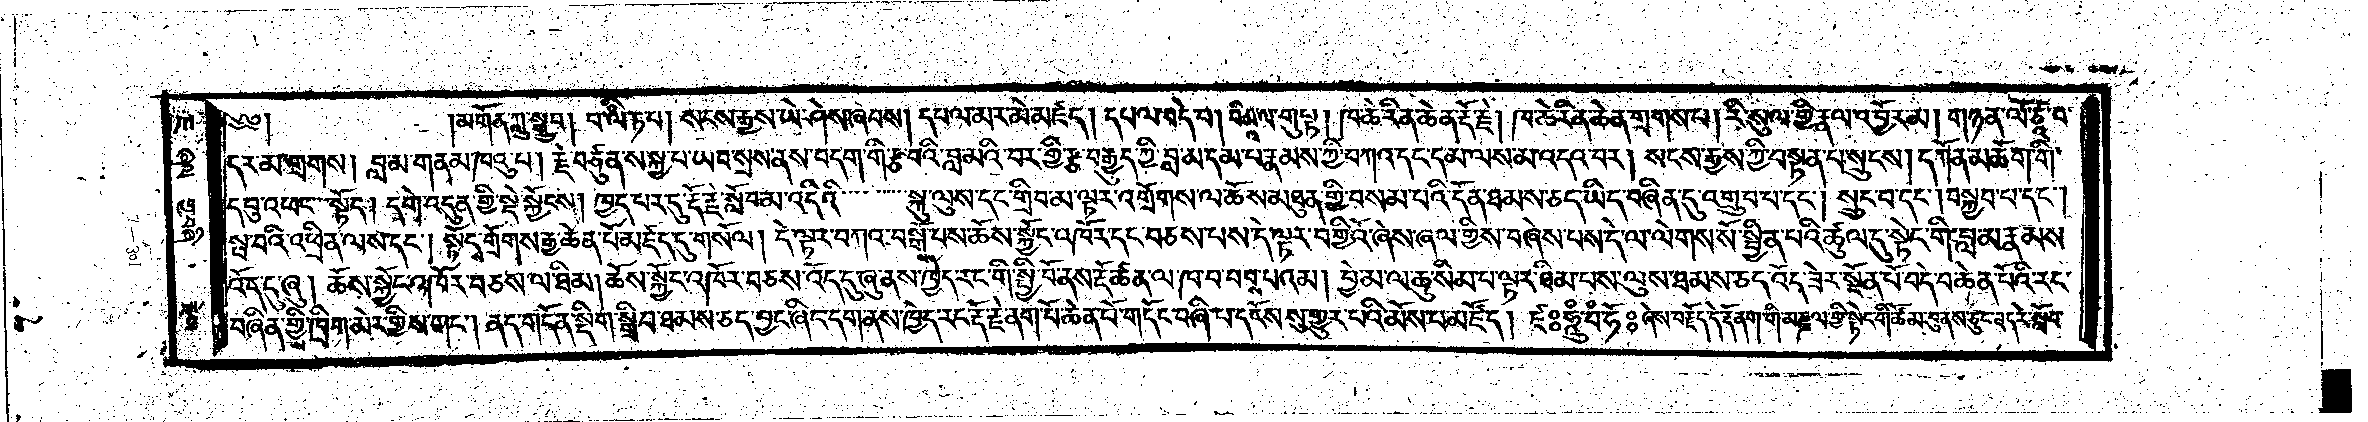༄༅། །མགོན་ཀླུ་སྒྲུབ། བ་ལིཾ་ཏ་པ། སངས་རྒྱས་ཡེ་ཤེས་ཞབས། དཔལ་མར་མེ་མཛད། དཔལ་བདེ་བ། བི་མཱ་ལ་གུཔྟ། ཁ་ཚོ་རིན་ཆེན་རྡོ་རྗེ། ཁ་ཚེ་རིན་ཆེན་གྲགས་པ་རི་སུལ་གྱི་རྣལ་འབྱོར་མ། གཉན་ལོ་ཙཱ་པ་
དར་མ་གྲགས། བླ་མ་གནམ་ཁའུ་པ། རྗེ་བཙུན་ས་སྐྱ་པ་ཡབ་སྲས་ནས་བདག་གི་རྩ་བའི་བླ་མའི་བར་གྱི་རྩ་བརྒྱུད་ཀྱི་བླ་མ་དམ་པ་རྣམས་ཀྱི་བཀའ་དང་དམ་ལས་མ་འདའ་བར། སངས་རྒྱས་ཀྱི་བསྟན་པ་སྲུངས། དཀོན་མཆོག་གི་
དབུ་འཕང་སྟོད། དགེ་འདུན་གྱི་སྡེ་སྐྱོངས། ཁྱད་པར་དུ་རྡོ་རྗེ་སློབ་མ་འདིའི་སྐུ་ལུས་དང་གྲིབ་མ་ལྟར་འགྲོགས་ལ་ཆོས་མཐུན་གྱི་བསམ་པའི་དོན་ཐམས་ཅད་ཡིད་བཞིན་དུ་འགྲུབ་པ་དང་། སྲུང་བ་དང་། བསྐྱབ་པ་དང་།
སྦ་བའི་འཕྲིན་ལས་དང་། སྟོངས་གྲོགས་རྒྱ་ཆེན་པོ་མཛད་དུ་གསོལ། དེ་ལྟར་བཀའ་བསྒོ་པས་ཆོས་སྐྱོང་འཁོར་དང་བཅས་པས་དེ་ལྟར་བགྱིའོ་ཞེས་ཞལ་གྱིས་བཞེས་པས་དེ་ལ་ལེགས་སོ་སྦྱིན་པའི་ཚུལ་དུ་སྟེང་གི་བླ་མ་རྣམས་
འོད་དུ་ཞུ། ཆོས་སྐྱོང་འཁོར་བཅས་ལ་ཐིམ། ཆོས་སྐྱོང་འཁོར་བཅས་འོད་དུ་ཞུ་ནས་ཁྱེད་རང་གི་སྤྱི་བོ་ནས་རྡོ་ཚན་ལ་ཁ་བ་བབས་པའམ། བྱེ་མ་ལ་ཆུ་སིམ་པ་ལྟར་ཐིམ་པས་ལུས་ཐམས་ཅད་འོད་ཟེར་སྔོན་པོ་བདེ་བ་ཆེན་པོའི་རང་
བཞིན་གྱི་ཁྲིག་མེར་གྱིས་གང་། ནད་གདོན་སྡིག་སྒྲིབ་ཐམས་ཅད་བྱང་ཞིང་དག་ནས་ཁྱེད་རང་རྡོ་རྗེ་ནག་པོ་ཆེན་པོ་གདོང་བཞི་པ་དངོས་སུ་གྱུར་པའི་མོས་པ་མཛོད། ཛཿཧཱུཾ་བཾ་ཧོཿ ཞེས་བརྗོད་དེ་རྡོ་ནག་གི་མཎྜལ་གྱི་སྟེང་གི་ཚོམ་བུ་ནས་ཅུང་ཟད་རེ་སློབ